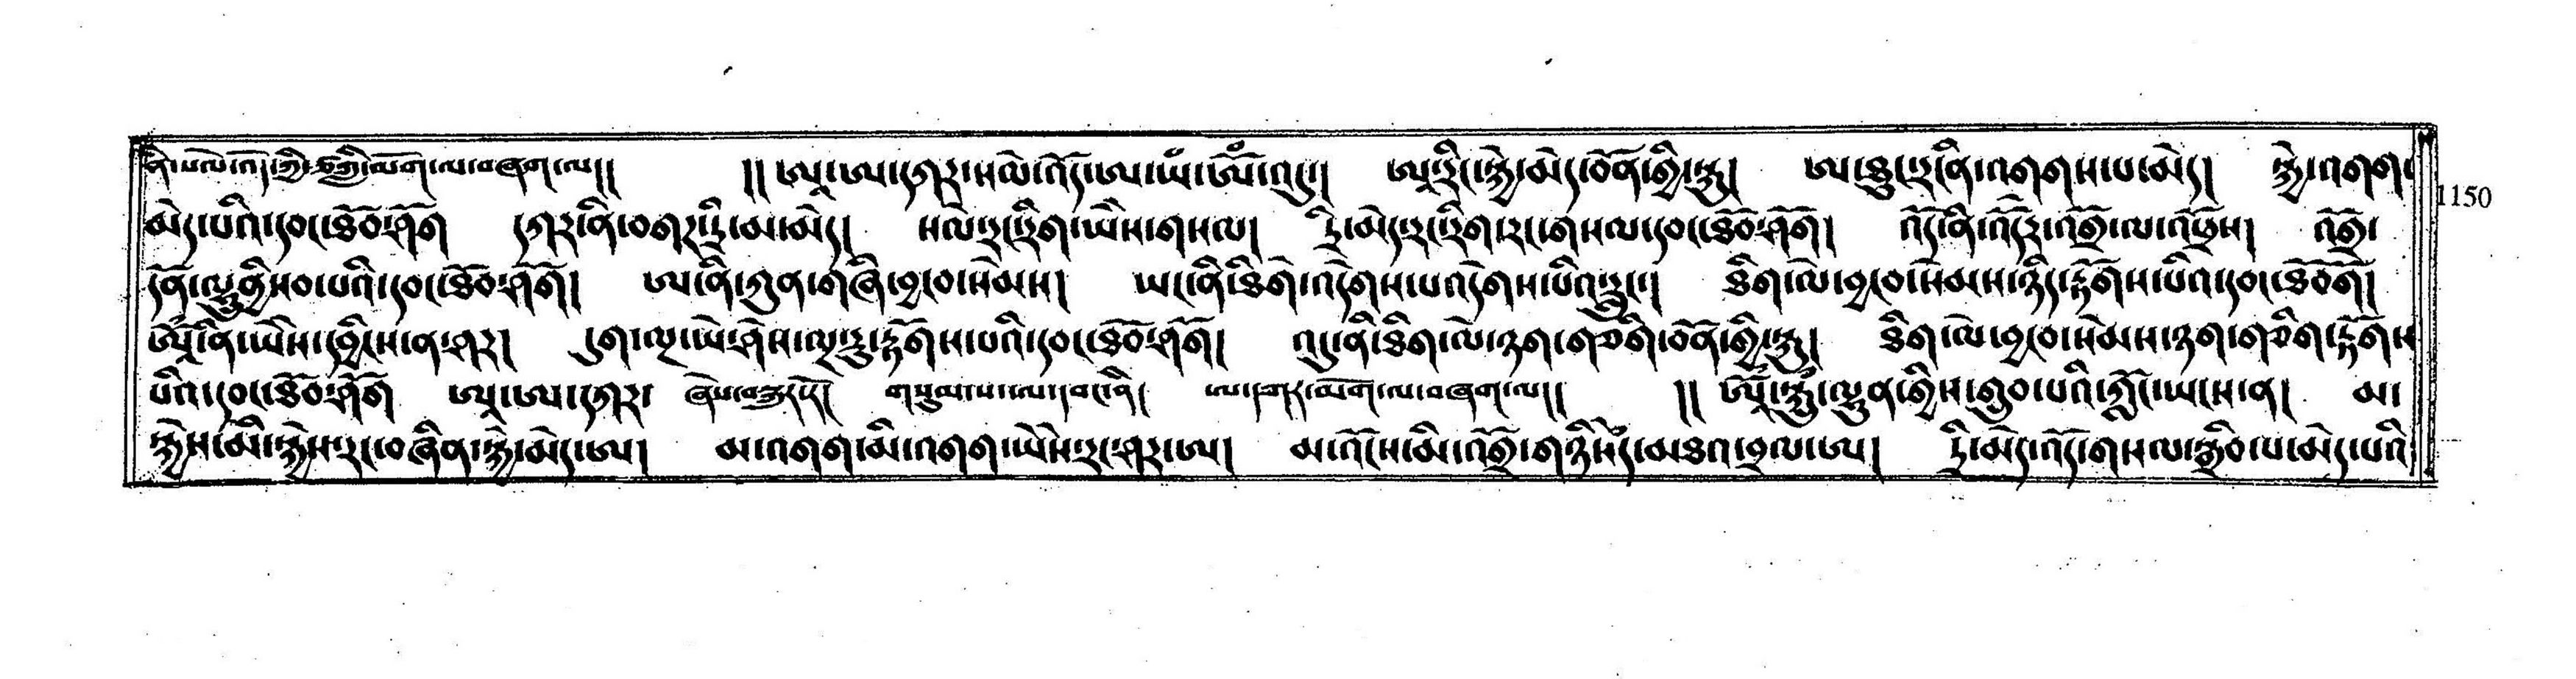ནི་སལེ་འོད་ཀྱི་ཙཀླི་མགོ་ལ་བཞག་ལ།། །།ཨཱ་ཨ་དཀར་སལེ་འོད་ཨ་ཡཾ་ཨཱོཾ་འདུ། ཨཱ་རིང་སྐྱེ་མེད་བོན་གྱི་སྐུ། ཨ་ཐུང་རང་བཞིན་འགགས་པ་མེད། སྐྱེ་འགག་
མེད་པའི་དབང་ཐོབ་ཤོག དཀར་ནི་བག་ཆགས་དྲི་མ་མེད། སལེ་རང་རིག་ཡེ་ཤེས་གསལ། དྲི་མེད་རང་རིག་གསལ་དབང་ཐོབ་ཤོག འོད་ནི་འོད་ཟེར་འགྲོ་ལ་འཕྲོས། འགྲོ་
དོན་ལྷུན་གྱིས་གྲུབ་པའི་དབང་ཐོབ་ཤོག ཨ་ནི་ཀུན་གཞི་བྱང་ཆུབ་སེམས། ཡང་ནི་ཐིག་ལེ་འདེགས་པའི་རླུང་། ཐིག་ལེ་བྱང་ཆུབ་སེམས་ཉིད་རྟོགས་པའི་དབང་ཐོབ་ཤོག 
ཨཱོཾ་ནི་ཡེ་ཤེས་དབྱིངས་ན་ཤར། དུག་ལྔ་ཡེ་ཤེས་ལྔ་རུ་རྟོགས་པའི་དབང་ཐོབ་ཤོག འདུ་ནི་ཐིག་ལེ་ཉག་གཅིག་བོན་གྱི་སྐུ། ཐིག་ལེ་བྱང་ཆུབ་སེམས་ཉག་གཅིག་རྟོགས་
པའི་དབང་ཐོབ་ཤོག ཨཱ་ཨ་དཀར་ཞེས་བསྐུར་རོ། གསུམ་པ་ཨ་དབང་ནི། ཨ་དཀར་མགོ་ལ་བཞག་ལ།། །།ཨཱོཾ་སྐུ་གསུམ་ལྷུན་གྱིས་གྲུབ་པའི་ཀློང་ཡངས་ན། མ་
སྐྱེས་མི་སྐྱེས་རང་བཞིན་སྐྱེ་མེད་ཨ། མ་འགག་མི་འགག་ཡེ་ཤེས་རང་ཤར་ཨ། མ་འོངས་མི་འགྲོ་གཉིས་མེད་མཐའ་བྲལ་ཨ། དྲི་མེད་འོད་གསལ་སྒྲིབ་པ་མེད་པའི་